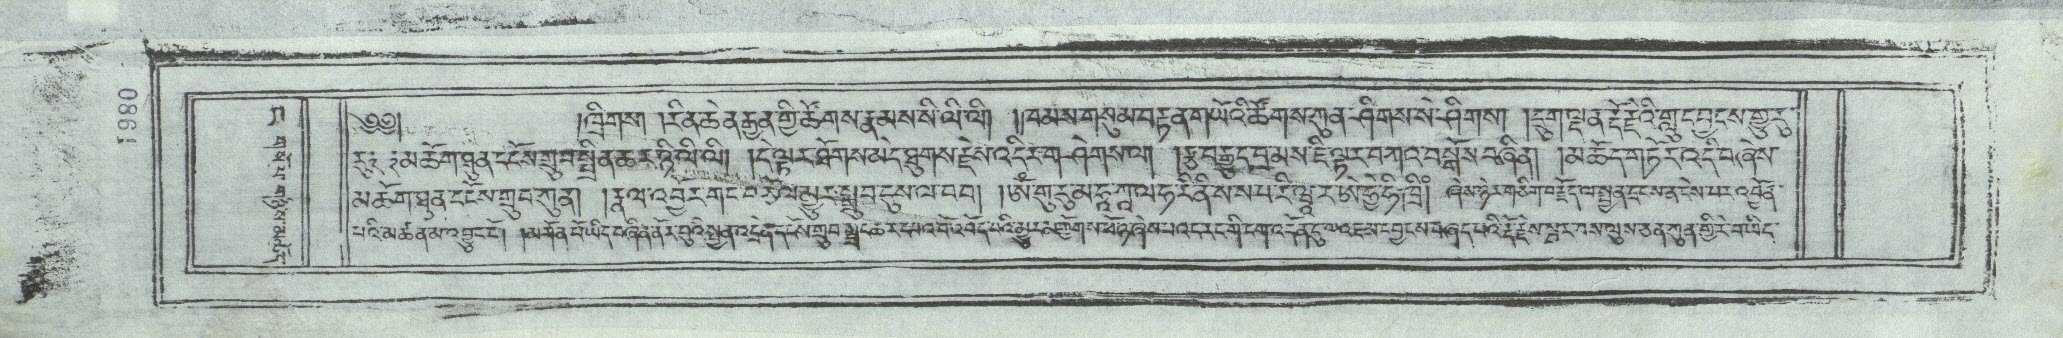༄༅། །ཁྲིགས། །རིན་ཆེན་རྒྱན་གྱི་ཚོགས་རྣམས་སི་ལི་ལི། །ཁམས་གསུམ་བརྟན་གཡོའི་ཚོགས་ཀུན་ཤིགས་སེ་ཤིགས། །དྲུག་ལྡན་རྡོ་རྗེའི་གླུ་དབྱངས་གྱུ་རུ་
རུ༑ ༑མཆོག་ཐུན་དངོས་གྲུབ་སྤྲིན་ཆར་ཉི་ལི་ལི། །དེ་ལྟར་ཐོགས་མེད་ཐུགས་རྗེས་འདིར་གཤེགས་ལ། །རྩ་བརྒྱུད་བྲམས་ཇི་ལྟར་བཀའ་བསྒོས་བཞིན། །མཆོད་གཏོར་འདི་བཞེས་
མཆོག་ཐུན་དངོས་གྲུབ་ཀུན། །རྣལ་འབྱོར་གང་བཅོལ་མྱུར་སྒྲུབ་དུས་ལ་བབ། །ཨོཾ་གུ་རུ་མ་ཧཱ་ཀཱ་ལ་ཧ་རི་ནི་ས་ས་པ་རི་ཝཱ་ར་ཨེ་ཧྱེ་ཧི་ཁྲིཾ། ཞེས་ཉེར་གཅིག་བརྗོད་ལ་སྤྱན་དྲངས་ན་ངེས་པར་འབྱོན་
པའི་མཚན་མ་འབྱུང་ངོ། །མགོན་བོ་ཡིད་བཞིན་ནོར་བུའི་སྤྱན་འདྲེན་དངོས་གྲུབ་སྦྲང་ཆར་དཔའ་བོ་འབོད་པའི་མྱུར་མགྱོགས་ཕོ་ཉ་ཞེས་པའང་རང་གི་ངག་འདོན་དུ་ལ་འཇམ་དབྱངས་བཞད་པའི་རྡོ་རྗེས་སྦར་པས་ལུས་ཅན་ཀུན་གྱི་རེ་བ་ཡིད་